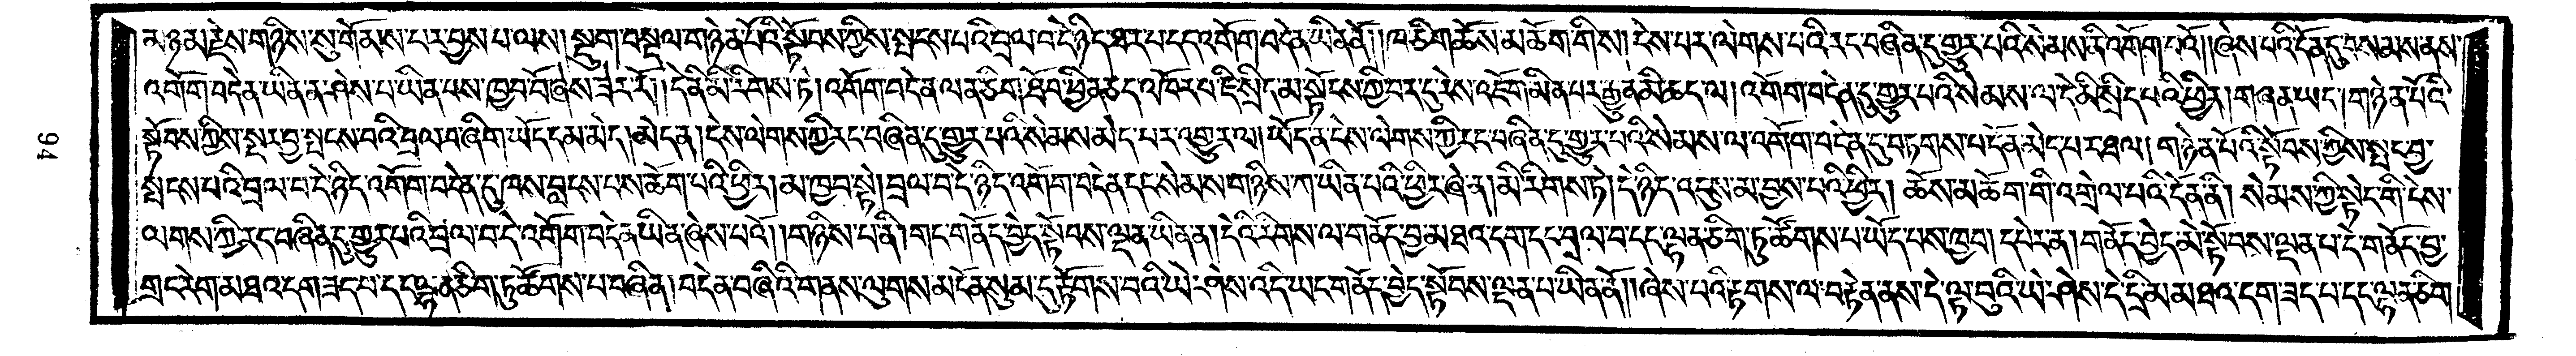མཉམ་རྗེས་གཉིས་སུ་གོམས་པར་བྱས་པ་ལས། སྡུག་བསྔལ་གཉེན་པོའི་སྟོབས་ཀྱིས་སྤངས་པའི་བྲལ་བ་དེ་ཉིད་ཐར་པ་དང་འགོག་བདེན་ཡིན་ནོ། །ཁ་ཅིག་ཆོས་མཆོག་གིས། ངེས་པར་ལེགས་པའི་རང་བཞིན་དུ་གྱུར་པའི་སེམས་ནི་འགོག་པའོ། །ཞེས་པའི་དོན་དུ་བསམས་ནས་
འགོག་བདེན་ཡིན་ན་ཤེས་པ་ཡིན་པས་ཁྱབ་བོ་ཞེས་ཟེར་རོ། །དེ་ནི་མི་རིགས་ཏེ། འགོག་བདེན་ལན་ཅིག་ཐོབ་ཕྱིན་ཅད་འཁོར་བ་ཇི་སྲིད་མ་སྟོངས་ཀྱི་བར་དུ་རེས་འཇོག་མིན་པར་རྒྱུན་མི་ཆད་ལ། འགོག་བདེན་དུ་གྱུར་པའི་སེམས་ལ་དེ་མི་སྲིད་པའི་ཕྱིར། གཞན་ཡང་། གཉེན་པོའི་
སྟོབས་ཀྱིས་སྤང་བྱ་སྤངས་པའི་བྲལ་བ་ཞིག་ཡོད་དམ་མེད། མེད་ན། ངེས་ལེགས་ཀྱི་རང་བཞིན་དུ་གྱུར་པའི་སེམས་མེད་པར་འགྱུར་ལ། ཡོད་ན་ངེས་ལེགས་ཀྱི་རང་བཞིན་དུ་གྱུར་པའི་སེམས་ལ་འགོག་བདེན་དུ་བཏགས་པ་དོན་མེད་པར་ཐལ། གཉེན་པོའི་སྟོབས་ཀྱིས་སྤང་བྱ་
སྤངས་པའི་བྲལ་བ་དེ་ཉིད་འགོག་བདེན་དུ་ཁས་བླངས་པས་ཆོག་པའི་ཕྱིར། མ་ཁྱབ་སྟེ། བྲལ་བ་དེ་ཉིད་འགོག་བདེན་དང་སེམས་གཉིས་ཀ་ཡིན་པའི་ཕྱིར་ཞེ་ན། མི་རིགས་ཏེ། དེ་ཉིད་འདུས་མ་བྱས་པའི་ཕྱིར། ཆོས་མཆོག་གི་འགྲེལ་བའི་དོན་ནི། སེམས་ཀྱི་སྟེང་གི་ངེས་
ལེགས་ཀྱི་རང་བཞིན་དུ་གྱུར་པའི་བྲལ་བ་དེ་འགོག་བདེན་ཡིན་ཞེས་པའོ། །གཉིས་པ་ནི། གང་གནོད་བྱེད་སྟོབས་ལྡན་ཡིན་ན། དེའི་རིགས་ལ་གནོད་བྱ་མཐའ་དག་དང་བྲལ་བ་དང་ལྷན་ཅིག་ཏུ་ཚོགས་པ་ཡོད་པས་ཁྱབ། དཔེར་ན། གནོད་བྱེད་མེ་སྟོབས་ལྡན་པ་དེ་གནོད་བྱ་
གྲང་རེག་མཐའ་དག་ཟད་པ་དང་ལྷན་ཅིག་ཏུ་ཚོགས་པ་བཞིན། བདེན་བཞིའི་གནས་ལུགས་མངོན་སུམ་དུ་རྟོགས་པའི་ཡེ་ཤེས་འདི་ཡང་གནོད་བྱེད་སྟོབས་ལྡན་པ་ཡིན་ནོ། །ཞེས་པའི་རྟགས་ལ་བརྟེན་ནས་དེ་ལྟ་བུའི་ཡེ་ཤེས་དེ་དྲི་མ་མཐའ་དག་ཟད་པ་དང་ལྷན་ཅིག་